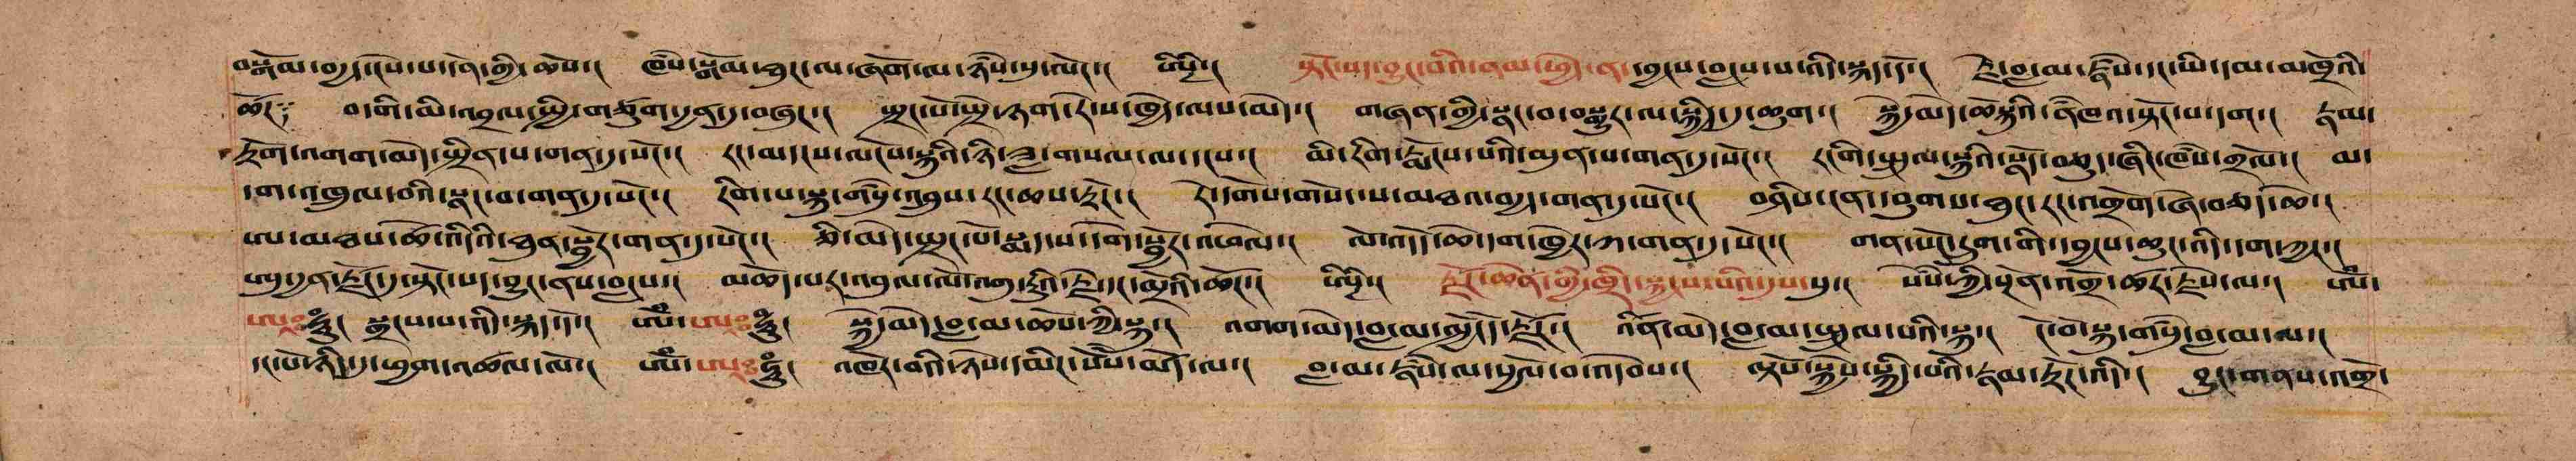བསྒོམ་བརྒྱད་ངེས་པ་དོན་གྱི་ཆོས།། ཁམས་སྒོམ་ཐུགས་ལ་ཞོག་ལ་ཉམས་སུ་ལོང་།། ཨིཊི།། སྟོང་སད་བྱུང་བའི་ནམ་ཕྱེད་ན་དབྱངས་བླངས་པ་འདི་སྐད་དོ།། རྗེ་བླ་མ་རྣམས་དང་ཡི་དམ་མཁའ་འགྲོའི་
ཚོགས།། བདག་གི་མི་འབྲལ་སྤྱི་གཙུག་རྒྱན་དུ་བཞུགས།། སྤྲང་པོ་སྤྲོ་ཉག་རེ་ས་ཁྱེད་ལས་མེད།། གཞན་གྱི་སྣང་བ་བསྒྱུར་ལ་སྐྱིད་དུ་ཆུག། སྐྱེ་མེད་ཆོས་སྐུའི་ནམ་མཁའ་སྟོང་པ་དག་། རྣམ་
རྟོག་འགག་མེད་སྤྲིན་པ་གན་དུ་སོང་།། རང་མདངས་ལོངས་སྐུའི་ཉི་ཟླ་གསལ་ལ་དངས།། མི་རིག་རྨོངས་པའི་མུན་པ་གན་དུ་སོང་།། རང་རིག་སྤྲུལ་སྐུའི་སྣོད་བཅུད་ཞིང་ཁམས་གྲོལ།། མ་
དག་འཁྲུལ་པའི་སྣང་བ་གན་དུ་སོང་།། རིག་པ་སྐུ་གསུམ་འབྲས་བུ་རང་ཆས་རྟོགས།། རེ་དོགས་གསོད་ས་མཐའ་བརྒྱད་གན་དུ་སོང་།། གཤིས་ངན་དབུགས་ཐུང་རང་འགྲོག་ཞེ་བཅད་ཆེ།། 
ཨ་འཐས་ཚེ་འདིའི་ཐུན་སྦྱོར་གན་དུ་སོང་།། ཅི་མེད་སྤྲང་པོ་སྨད་པ་དགེ་སྦྱོར་འཕེལ།། ལོ་འདོད་ཆེ་དག་ཁྱེར་ཀ་གན་དུ་སོང་།། གན་སོང་དྲུག་གི་དབྱངས་ཆུང་འདི་དག་ཀྱང་།། 
ཨུ་རྒྱན་རྫོང་དུ་སྟོང་པད་བྱུང་ནས་བླངས།། མཆོད་པར་འབུལ་ལོ་འགུ་རུའི་རྗེ་དང་མཁའ་འགྲོའི་ཚོགས།། ཨིཊི།། རྫོགས་ཆེན་གྱི་ཁྲིད་བསྐྱངས་པའི་དུས་སུ།། སེམས་ཀྱི་སྔོན་འགྲོ་ཚར་རྗེས་ལ།། ཨོཾ་
ཨཱཿཧཱུཾ། སྒྲངས་པ་འདི་སྐད་དོ།། ཨོ་ཨཱཿཧཱུཾ། སྐྱེ་མེད་བླ་མ་ཆོས་ཀྱི་སྐུ།། འགག་མེད་བླ་མ་ལོངས་སྤྱོད་རྫོགས།། འཛིན་མེད་བླ་མ་སྤྲུལ་པའི་སྐུ།། ངོ་བོ་སྐུ་གསུམ་བླ་མ་ལ།། 
དང་པོ་ཉིད་དུ་ཕྱག་འཚལ་ལོ།། ཨོཾ་ཨཱཿཧཱུཾ། འཁོར་བའི་ཉེས་དམིགས་སེམས་མཛོད་ལ།། བླ་མ་རྣམས་ལ་གསོལ་བ་འདེབས།། ལྟོས་སྐྱེས་སྐྱིད་པའི་རྣམ་རྟོག་འདི།། བྱུང་གནས་འགྲོ་